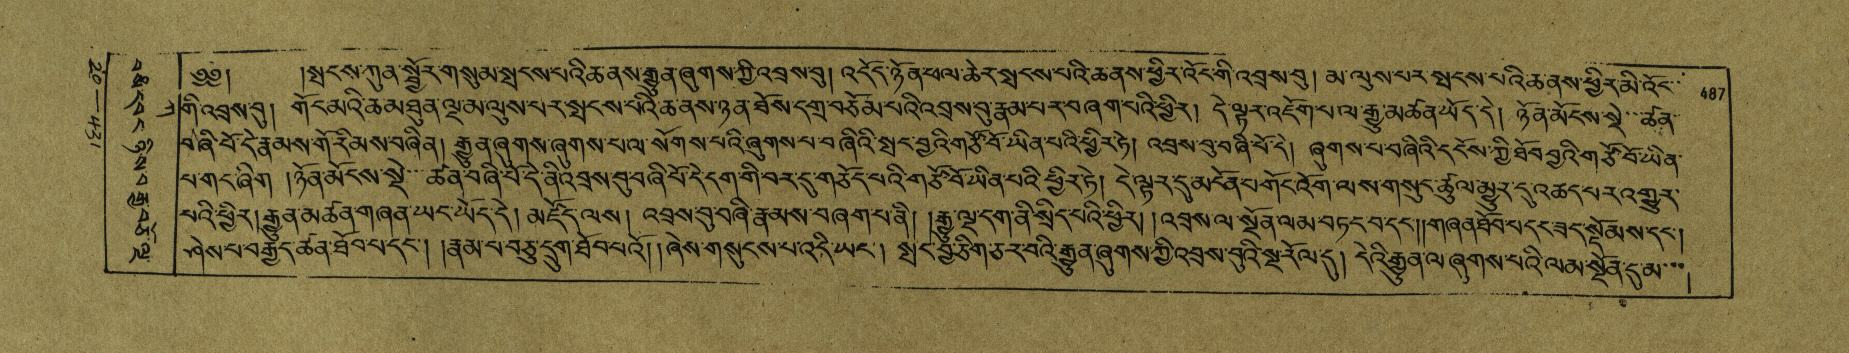༄༅། །སྤངས་ཀུན་སྦྱོར་གསུམ་སྤངས་པའི་ཆ་ནས་རྒྱུན་ཞུགས་ཀྱི་འབྲས་བུ། འདོད་ཉོན་ཕལ་ཆེར་སྤངས་པའི་ཆ་ནས་ཕྱིར་འོང་གི་འབྲས་བུ། མ་ལུས་པར་སྤངས་པའི་ཆ་ནས་ཕྱིར་མི་འོང་
གི་འབྲས་བུ། གོང་མའི་ཆ་མཐུན་ལྔ་མ་ལུས་པར་སྤངས་པའི་ཆ་ནས་ཉན་ཐོས་དགྲ་བཅོམ་པའི་འབྲས་བུ་རྣམ་པར་བཞག་པའི་ཕྱིར། དེ་ལྟར་འཇོག་པ་ལ་རྒྱུ་མཚན་ཡོད་དེ། ཉོན་མོངས་སྡེ་ཚན་
བཞི་པོ་དེ་རྣམས་གོ་རིམས་བཞིན། རྒྱུན་ཞུགས་ཞུགས་པ་ལ་སོགས་པའི་ཞུགས་པ་བཞིའི་སྤངས་བྱའི་གཙོ་བོ་ཡིན་པའི་ཕྱིར་ཏེ། འབྲས་བུ་བཞི་པོ་དེ། ཞུགས་པ་བཞིའི་དངོས་ཀྱི་ཐོབ་བྱའི་གཙོ་བོ་ཡིན་
པ་གང་ཞིག །ཉོན་མོངས་སྡེ་ཚན་བཞི་པོ་དེ་ནི་འབྲས་བུ་བཞི་པོ་དེ་དག་གི་བར་དུ་གཅོད་པའི་གཙོ་བོ་ཡིན་པའི་ཕྱིར་ཏེ། དེ་ལྟར་དུ་མངོན་པ་གོང་འོག་ལས་གསུང་ཚུལ་མྱུར་དུ་འཆད་པར་འགྱུར་
པའི་ཕྱིར། རྒྱུན་མཚན་གཞན་ཡང་ཡོད་དེ། མཛོད་ལས། འབྲས་བུ་བཞི་རྣམས་བཞག་པ་ནི། །རྒྱུ་ལྔ་དག་ནི་སྲིད་པའི་ཕྱིར། །འབྲས་ལ་སྔོན་ལམ་བཏང་བ་དང་། །གཞན་ཐོབ་པ་དང་ཟད་སྡོམས་དང་།
ཤེས་པ་བརྒྱད་ཚན་ཐོབ་པ་དང་། །རྣམ་པ་བཅུ་དྲུག་ཐོབ་པའོ། །ཞེས་གསུངས་པ་འདི་ཡང་། སྤང་བྱ་ཅིག་ཅར་བའི་རྒྱུན་ཞུགས་ཀྱི་འབྲས་བུའི་སྔ་རོལ་དུ། དེའི་རྒྱུན་ལ་ཞུགས་པའི་ལམ་སྔོན་དུ་མ་